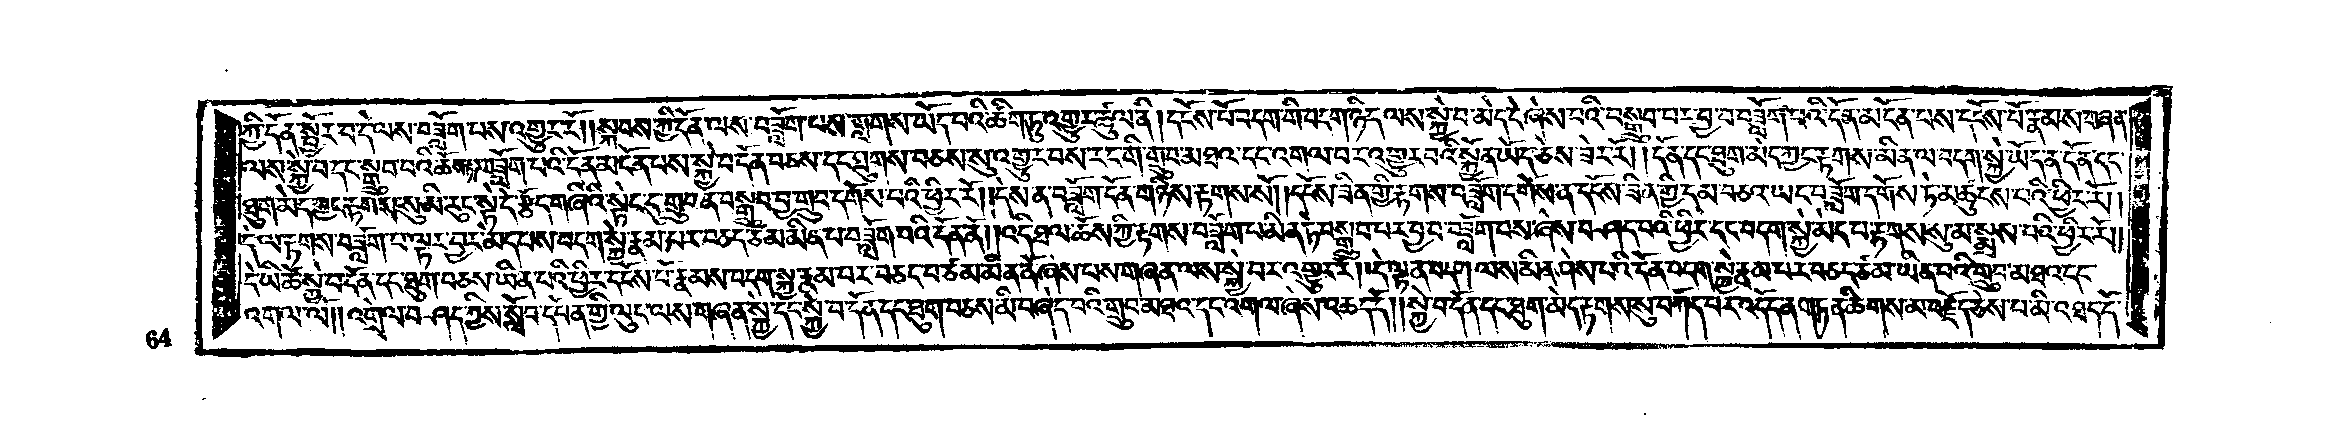ཀྱི་དོན་སྦྱོར་བ་དེ་ལས་བཟློག་པས་འགྱུར་རོ། །སྐབས་ཀྱི་དོན་ལས་བཟློག་པས་གླགས་ཡོད་པའི་ཚིག་ཏུ་འགྱུར་ཚུལ་ནི། དངོས་པོ་བདག་གི་བདག་ཉིད་ལས་སྐྱེ་བ་མེད་དེ་ཞེས་པའི་བསྒྲུབ་པར་བྱ་བ་བཟློག་པའི་དོན་མངོན་པས་དངོས་པོ་རྣམས་གཞན་
ལས་སྐྱེ་བ་དང་སྒྲུབ་པའི་ཆོས་རྟཌ་བློག་པའི་དོན་མངོན་པས་སྐྱེ་བ་དོན་བཅས་དང་ཐུགས་བཅས་སུ་འགྱུར་བས་དྲང་གི་གྲུབ་མཐའ་དད་འགལ་བར་འགྱུར་བའི་སྐྱོན་ཡོད་ཅེས་ཟེར་རོ། །དོན་དང་ཐུག་མེད་ཀྱང་རྟགས་མིན་ལ་བདག་སྐྱེ་ཡོད་ན་དོན་དང་
ཐུག་མེད་ཀྱང་རྟགས་སུ་མི་རུང་སྟེ་དེ་རྩོད་གཞིའི་སྟེང་དུ་གྲུབ་ན་བསྒྲུབ་བྱ་གྲུབ་དགོས་པའི་ཕྱིར་རོ། །དེས་ན་བཟློག་དོན་གཉིས་རྟགས་སོ། །དངོས་ཟིན་གྱི་རྟགས་བཟློག་དགོས་ན་དངོས་ཟིན་གྱི་དམ་བཅའ་ཡང་བཟློག་དགོས་ཏེ་མཚུངས་པའི་ཕྱིར་རོ། །
དེ་ལ་རྟགས་བཟློག་པ་ལྟར་བྱར་མེད་པས་བདག་སྐྱེ་རྣམ་པར་བཅད་ཙམ་མིན་པ་བཟློག་པའི་དོན་ནོ། །འདི་ཐལ་ཆོས་ཀྱི་རྟགས་བཟློག་པ་མིན་ཏེ་བསྒྲུབ་པར་བྱ་བ་བཟློག་པས་ཞེས་བཤད་པའི་ཕྱིར་དང་བདག་སྐྱེ་མེད་པ་རྟགས་སུ་མ་སྨྲས་པའི་ཕྱིར་རོ། །
དེ་ཡི་ཚེ་སྐྱེ་བ་དོན་དང་ཐུག་བཅས་ཡིན་པའི་ཕྱིར་དངོས་པོ་རྣམས་བདག་སྐྱ་རྣམ་པར་བཅད་པ་ཙམ་མིན་ནོ་ཞེས་པས་གཞན་ལས་སྐྱེ་བར་འགྱུར་རོ། །དེ་ལྟ་ན་བདག་ལས་མིན་ཞེས་པའི་དོན་བདག་སྐྱེ་རྣམ་པར་བཅད་ཙམ་ཡིན་པའི་གྲུབ་མཐའ་དང་
འགལ་ལོ། །འགྲེལ་བཤད་ཀྱིས་སློབ་དཔོན་གྱི་ལུང་ལས་གཞན་སྐྱེ་དང་སྐྱེ་བ་དོན་དང་ཐུག་བཅས་མི་བཞེད་པའི་གྲུབ་མཐའ་དང་འགལ་ཞེས་འཆད་དོ། །སྐྱེ་བ་དོན་དང་ཐུག་མེད་རྟགས་སུ་བཀོད་པར་འདོད་ན་གཏན་ཚིགས་མ་བརྗོད་ཅེས་པ་མི་འཐད་དོ། །